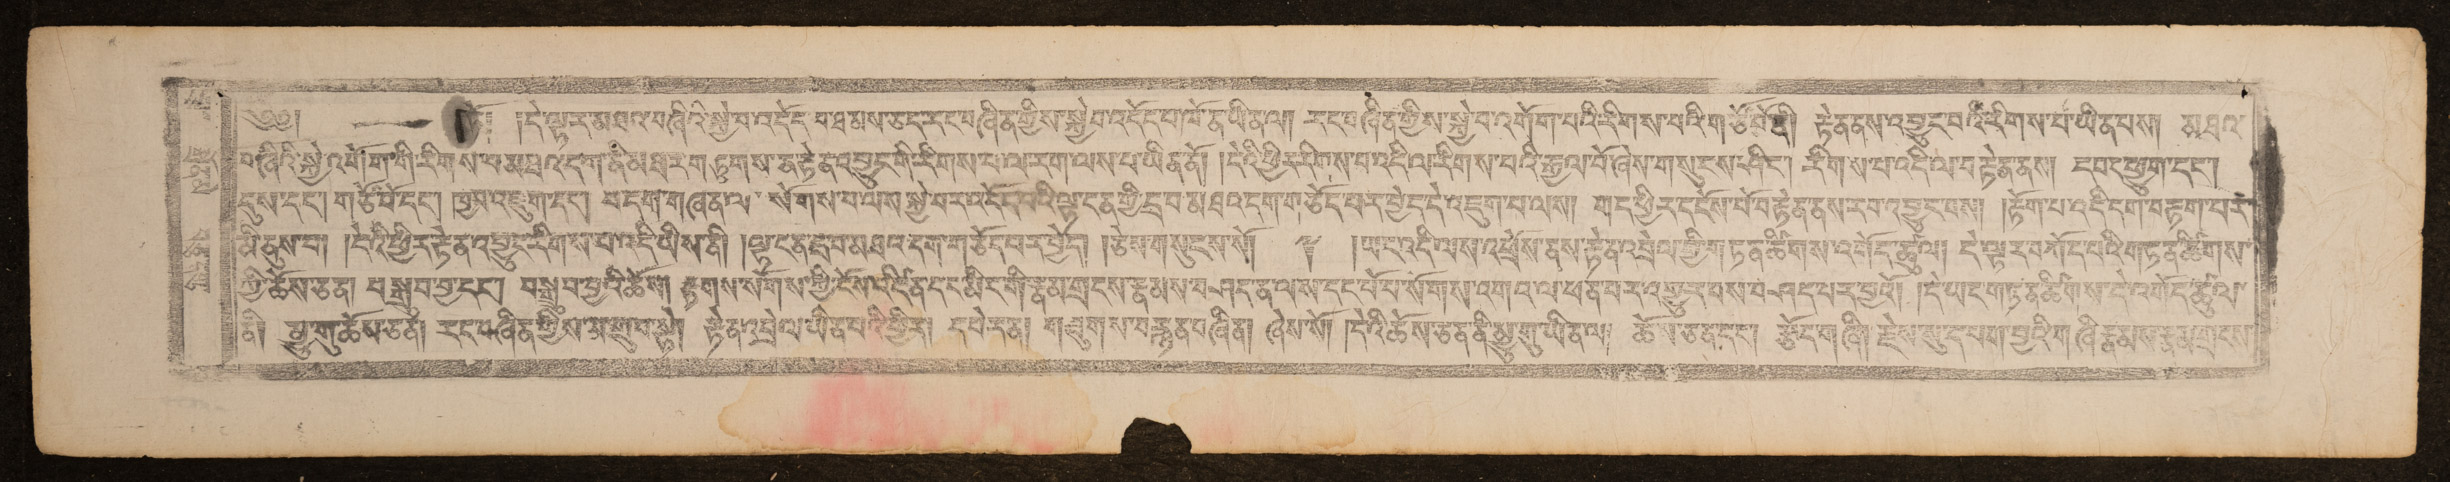༄༅། །ཏོ། །དེ་ལྟར་མཐའ་བཞིའི་སྐྱེ་བ་འདོད་པ་ཐམས་ཅད་རང་བཞིན་གྱིས་སྐྱེ་བ་འདོད་པ་ཁོ་ན་ཡིན་ལ། རང་བཞིན་གྱིས་སྐྱེ་བ་འགོག་པའི་རིགས་པའི་གཙོ་བོ་ནི། རྟེན་ནས་འབྱུང་བའི་རིགས་པ་ཡིན་པས། མཐའ་
བཞིའི་སྐྱེ་འགོག་གི་རིགས་པ་མཐའ་དག་ནི་མཐར་གཏུགས་ན་རྟེན་འབྱུང་གི་རིགས་པ་ལ་རག་ལས་པ་ཡིན་ནོ། །དེའི་ཕྱིར་རིགས་པ་འདི་ལ་རིགས་པའི་རྒྱལ་པོ་ཞེས་གསུངས་ཤིང་། རིགས་པ་འདི་ལ་བརྟེན་ནས། དབང་ཕྱུག་དང་།
དུས་དང་། གཙོ་བོ་དང་། ཁྱབ་འཇུག་དང་། བདག་གཞན་ལས་སོགས་པ་ལས་སྐྱེ་བར་འདོད་པའི་ལྟ་ངན་གྱི་དྲ་བ་མཐའ་དག་གཅོད་པར་བྱེད་དེ་འཇུག་པ་ལས། གང་ཕྱིར་དངོས་པོ་བརྟེན་ནས་རབ་འབྱུང་བས། །རྟོག་པ་འདི་དག་བརྟག་པར་
མི་ནུས་པ། །དེའི་ཕྱིར་རྟེན་འབྱུང་རིགས་པ་འདི་ཡིས་ནི། །ལྟ་ངན་དྲ་བ་མཐའ་དག་གཅོད་པར་བྱེད། །ཅེས་གསུངས་སོ། ༈ །ཡང་འདི་ལས་འཕྲོས་ནས་རྟེན་འབྲེལ་གྱི་གཏན་ཚིགས་འགོད་ཚུལ། དེ་ལྟར་བཀོད་པའི་གཏན་ཚིགས་
ཀྱི་ཆོས་ཅན། བསྒྲུབ་བྱ་དང་། བསྒྲུབ་བྱའི་ཆོས། རྟགས་སོགས་ཀྱི་ངོས་འཛིན་དང་མིང་གི་རྣམ་གྲངས་རྣམས་བཤད་ན་ལས་དང་པོ་པ་སོགས་འགའ་ལ་ཕན་པར་འགྱུར་བས་བཤད་པར་བྱའོ། །དེ་ཡང་གཏན་ཚིགས་དེ་འགོད་ཚུལ་
ནི། མྱུ་གུ་ཆོས་ཅན། རང་བཞིན་གྱིས་མ་གྲུབ་སྟེ། རྟེན་འབྲེལ་ཡིན་པའི་ཕྱིར། དཔེར་ན། གཟུགས་བརྙན་བཞིན། ཞེས་སོ། །དེའི་ཆོས་ཅན་ནི་མྱུ་གུ་ཡིན་ལ། ཆོས་ཅན་དང་། རྩོད་གཞི། རྗེས་སུ་དཔག་བྱའི་གཞི་རྣམས་རྣམ་གྲངས་